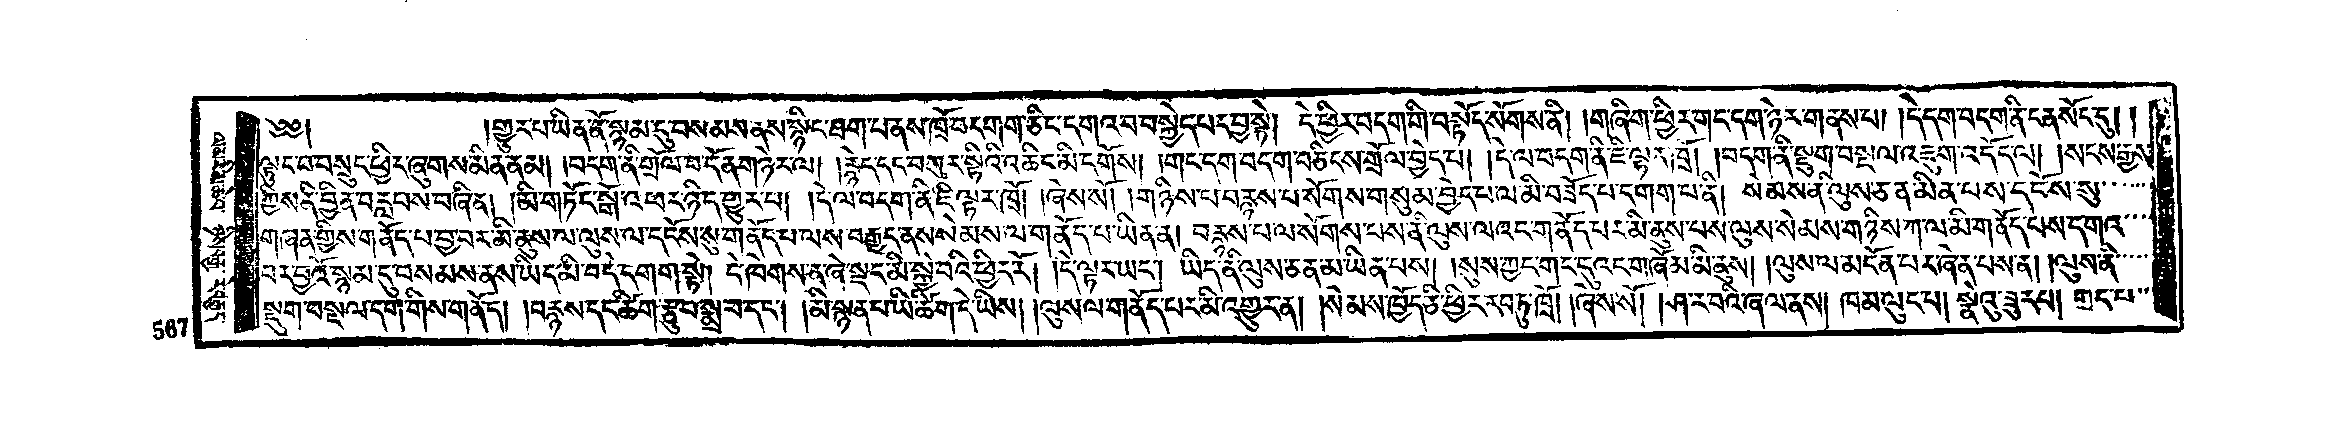༄༅། །གྱུར་པ་ཡིན་ནོ་སྙམ་དུ་བསམས་ནས་སྙིང་ཐག་པ་ནས་ཁྲོ་བདག་གཅིང་དགའ་བ་བསྐྱེད་པར་བྱ་སྟེ། དེ་ཕྱིར་བདག་གི་བསྟོད་སོགས་ནི། །གཞིག་ཕྱིར་གང་དག་ཉེར་གནས་པ། །དེ་དག་བདག་ནི་ངན་སོང་དུ། །
ལྟུང་བ་བསྲུང་ཕྱིར་ཞུགས་མིན་ནམ། །བདག་ནི་གྲོལ་བ་དོན་གཉེར་ལ། །རྙེད་དང་བཀུར་སྟིའི་འཆིང་མི་དགོས། །གང་དག་བདག་བཅིངས་གྲོལ་བྱེད་པ། །དེ་ལ་བདག་ནི་ཇི་ལྟར་ཁྲོ། །བདག་ནི་སྡུག་བསྔལ་འཇུག་འདོད་ལ། །སངས་རྒྱས་
ཀྱིས་ནི་བྱིན་བརླབས་བཞིན། །མི་གཏོང་སྒོ་འཕར་ཉིད་གྱུར་པ། །དེ་ལ་བདག་ནི་ཇི་ལྟར་ཁྲོ། །ཞེས་སོ། །གཉིས་པ་བརྙས་པ་སོགས་གསུམ་བྱེད་པ་ལ་མི་བཟོད་པ་དགག་པ་ནི། སེམས་ནི་ལུས་ཅན་མིན་པས་དངོས་སུ་
གཞན་གྱིས་གནོད་པ་བྱ་བར་མི་ནུས་ལ་ལུས་ལ་དངོས་སུ་གནོད་པ་ལས་བརྒྱུད་ནས་སེམས་ལ་གནོད་པ་ཡིན་ན། བརྙས་པ་ལ་སོགས་པས་ནི་ལུས་ལའང་གནོད་པར་མི་ནུས་པས་ལུས་སེམས་གཉིས་ཀ་ལ་མི་གནོད་པས་དགའ་
བར་བྱའོ་སྙམ་དུ་བསམས་ནས་ཡིད་མི་བདེ་དགག་སྟེ། དེ་ཁེགས་ན་ཞེ་སྡང་མི་སྐྱེ་བའི་ཕྱིར་རོ། །དེ་ལྟར་ཡང་། ཡིད་ནི་ལུས་ཅན་མ་ཡིན་པས། །སུས་ཀྱང་གང་དུའང་གཞོམ་མི་ནུས། །ལུས་ལ་མངོན་པར་ཞེན་པས་ན། །ལུས་ནི་
སྡུག་བསྔལ་དག་གིས་གནོད། །བརྙས་དང་ཚིག་རྩུབ་སྨྲ་བ་དང་། །མི་སྙན་པ་ཡི་ཚིག་དེ་ཡིས། །ལུས་ལ་གནོད་པར་མི་འགྱུར་ན། །སེམས་ཁྱོད་ཅི་ཕྱིར་རབ་ཏུ་ཁྲོ། །ཞེས་སོ། །ཤར་བའི་ཞལ་ནས། ཁམ་ལུངས་པ། སྣེའུ་ཟུར་པ། གྲབ་པ་